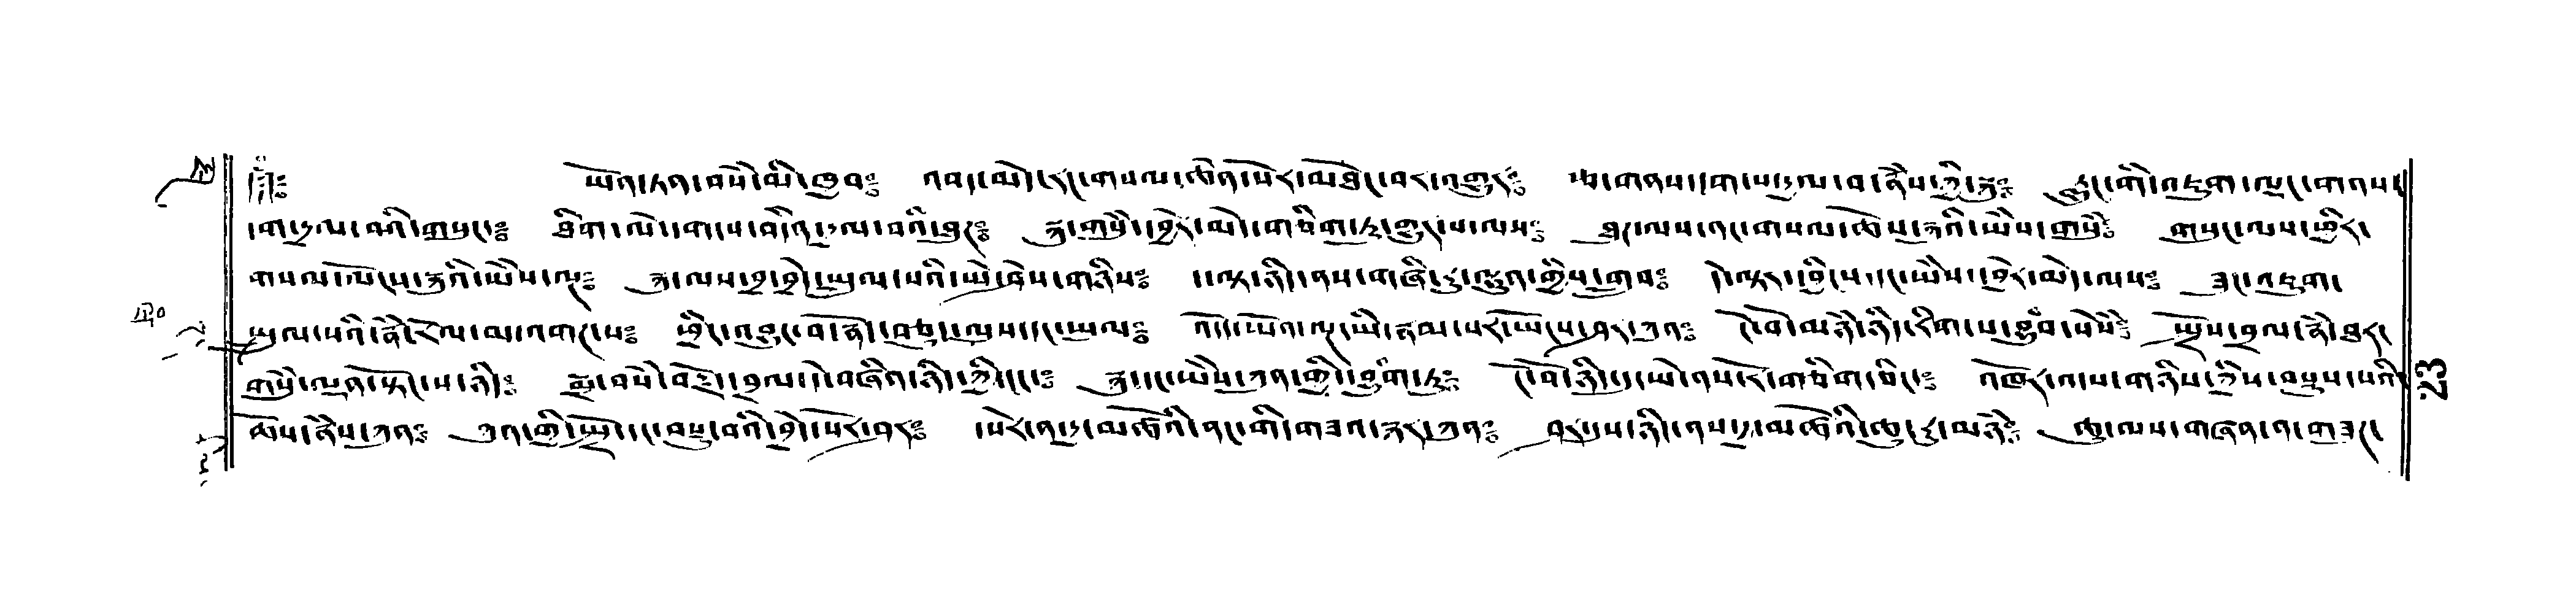ཡོན་ཏན་བསམ་མི་ཁྱབ༔ འབད་མེད་རང་གསལ་ཆེན་པོར་མཐོང་བར་འགྱུར༔ རྩ་གནས་དག་པ་རྒྱལ་བ་རྣམས་ཀྱི་སྐུ༔ རླུང་གི་འཇུག་ལྡང་གནས་
དག་རྒྱལ་བའི་གསུང༔ ཐིག་ལེ་དག་པ་བདེ་ཆེན་རྒྱལ་བའི་ཐུགས༔ སྐུ་གསུམ་དབྱེར་མེད་གཅིག་ཏུ་གྱུར་པ་ལས༔ ཐུགས་ལས་ནང་གསལ་ཆོས་སྐུའི་ཡེ་ཤེས་གསུམ༔ གསུང་ལས་ཕྱིར་
གསལ་ལོངས་སྐུའི་ཡེ་ཤེས་ལྔ༔ སྐུ་ལས་བྱ་བྱེད་སྤྲུལ་པའི་ཡེ་ཤེས་གཉིས༔ ད་ལྟ་ཉིད་ནས་གཞི་རུ་ལྷུན་གྱིས་གྲུབ༔ དེ་ལྟར་དབྱིངས་དང་ཡེ་ཤེས་དབྱེར་མེད་ལས༔ ཟུང་འཇུག་
སྤྲུལ་པའི་རྣམ་རོལ་མ་འགགས་པ༔ ཕྱི་ནང་འབྱུང་བ་སྣོད་བཅུད་ལུས་དང་ཡུལ༔ འདོད་ཡོན་ལྔ་ཡི་རྣམ་པར་ཡོངས་ཤར་ཀུན༔ ངོ་བོ་མཉམ་ཉིད་རིག་པ་བྱང་ཆུབ་སེམས༔ སྤྲོས་བྲལ་རྣམ་ཐར་
གསུམ་ལྡན་སྟོང་པ་ཉིད༔ སྨྲ་བསམ་བརྗོད་བྲལ་དེ་བཞིན་ཉིད་ཀྱི་ངང༔ སྐུ་དང་ཡེ་ཤེས་ཀུན་གྱི་དབང་ཕྱུག་ཏུ༔ ངོ་བོ་ཉིད་དུ་ཡེ་ནས་རོ་གཅིག་ཅིང༔ འཁོར་འདས་གཉིས་ཀྱིས་བསྡུས་པའི་
ཆོས་རྣམས་ཀུན༔ ཀུན་གྱི་སྤྲོ་དང་བསྡུ་བའི་བྱེད་པོར་ཤར༔ དཔེར་ན་རྒྱ་མཚོའི་ནང་གི་གཟའ་སྐར་ཀུན༔ ཤར་དུས་ཉིད་ནས་རྒྱ་མཚོའི་ཆུ་རུ་མཉམ༔ ཆུ་ལས་གཞན་ན་གཟུགས་